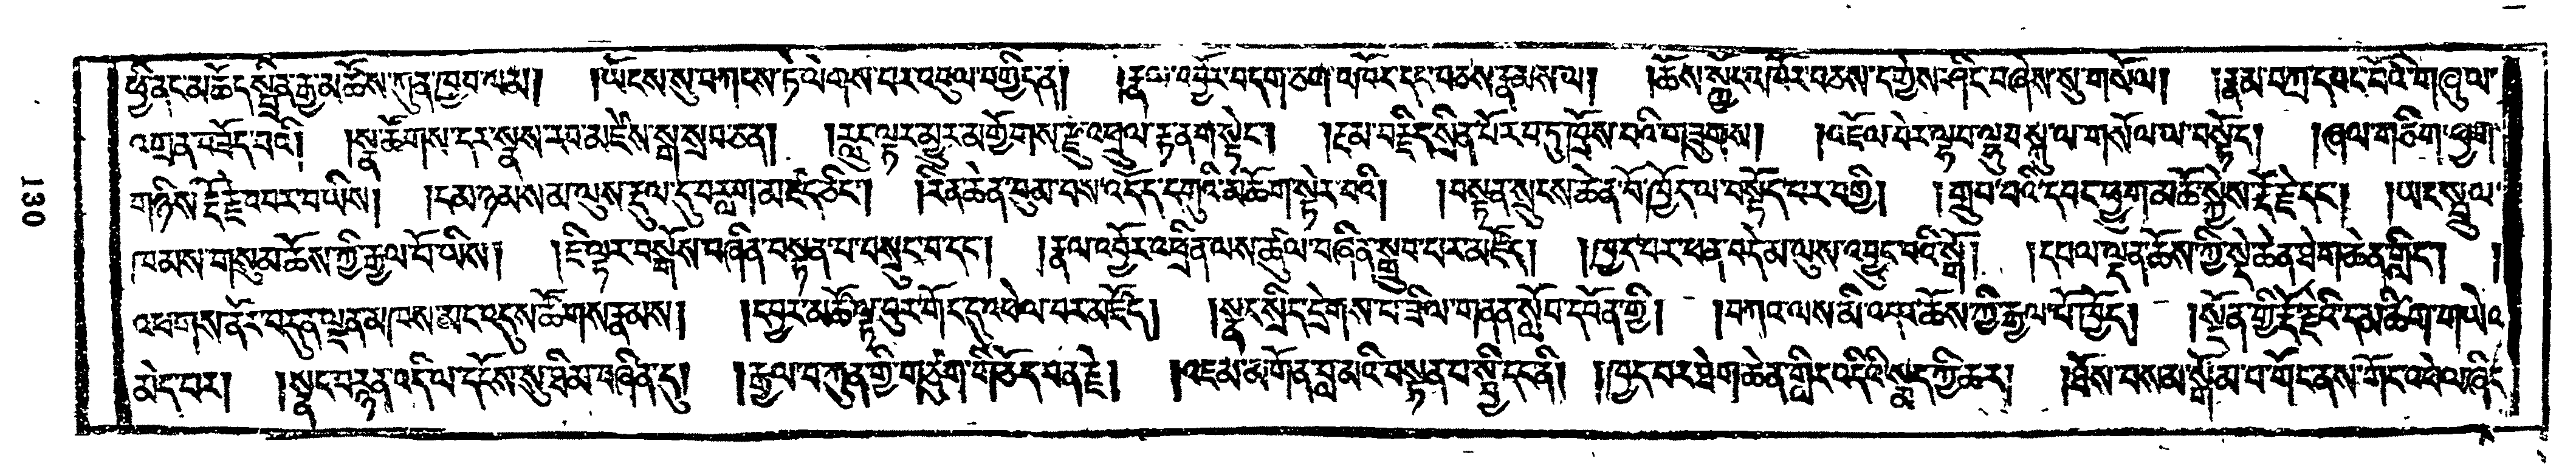ཕྱི་ནང་མཆོད་སྤྲིན་རྒྱ་མཚོས་ཀུན་ཁྱབ་ལམ། །ཡོངས་སུ་བཀངས་ཏེ་ལེགས་པར་འབུལ་བགྱིད་ན། །རྣལ་འབྱོར་བདག་ཅག་འཁོར་དང་བཅས་རྣམས་ལ། །ཆོས་སྐྱོང་འཁོར་བཅས་དགྱེས་ཤིང་བཞེས་སུ་གསོལ། །རྣམ་བཀྲ་དབང་པོའི་གཞུལ་
འགྲན་བཟོད་པའི། །སྣ་ཚོགས་དར་སྣས་རབ་མཛེས་སྒ་སྲབ་ཅན། །རླུང་ལྟར་མྱུར་མགྱོགས་རྫུ་འཕྲུལ་རྟ་ནག་སྟེང་། །རྔམ་བརྗིད་སྲིན་པོ་རབ་ཏུ་ཁྲོས་པའི་གཟུགས། །འཇོལ་བེར་ལྷབ་ལྷུབ་སྐུ་ལ་གསོལ་ལ་བསྟོད། །ཞལ་གཅིག་ཕྱག་
གཉིས་རྡོ་རྗེ་འབར་བ་ཡིས། །དམ་ཉམས་མ་ལུས་རྡུལ་དུ་བརླག་མཛད་ཅིང་། །རིན་ཆེན་བུམ་པས་འདོད་དགུའི་མཆོག་སྟེར་བའི། །བསྟན་སྲུངས་ཆེན་པོ་ཁྱོད་ལ་བསྟོད་པར་བགྱི། །གྲུབ་བའི་དབང་ཕྱུག་མཆོ་སྐྱེས་རྡོ་རྗེ་དང་། །ཡང་སྦྲུལ་
ཁམས་གསུམ་ཆོས་ཀྱི་རྒྱལ་པོ་ཡིས། །ཇི་ལྟར་བསྒོས་བཞིན་བསྟན་པ་བསྲུང་བ་དང་། །རྣལ་འབྱོར་འཕྲིན་ལས་ཚུལ་བཞིན་སྒྲུབ་པར་མཛོད། །ཁྱད་པར་ཕན་བདེ་མ་ལུས་འབྱུང་བའི་སྒོ། །དཔལ་ལྡན་ཆོས་ཀྱི་སྡེ་ཆེན་ཐེག་ཆེན་གླིང་། །
འཕགས་ནོར་བདུན་ལྡན་མཁས་མང་འདུས་ཚོགས་རྣམས། །དབྱར་མཚོ་ལྟ་བུར་གོང་དུ་འཕེལ་བར་མཛོད། །སྣང་སྲིད་དྲེགས་པ་ཟིལ་གནན་སློབ་དཔོན་གྱི། །བཀའ་ལས་མི་འདའ་ཆོས་ཀྱི་རྒྱལ་པོ་ཁྱོད། །སྔོན་གྱི་རྡོ་རྗེའི་དམ་ཚིག་གཡེལ་
མེད་བར། །སྣང་བརྙན་འདི་ལ་དངོས་སུ་ཐིམ་བཞིན་དུ། །རྒྱལ་བ་ཀུན་གྱི་གཙུག་གི་ཅོད་བན་རྗེ། །འཇམ་མགོན་བླ་མའི་བསྟན་པ་སྦྱི་དང་ནི། །ཁྱད་བར་ཐེག་ཆེན་གླིང་འདིའི་སྨད་ཀྱི་ཆར། །ཐོས་བསམ་སྒོམ་པ་གོང་ནས་གོང་འཕེལ་ཞིང་